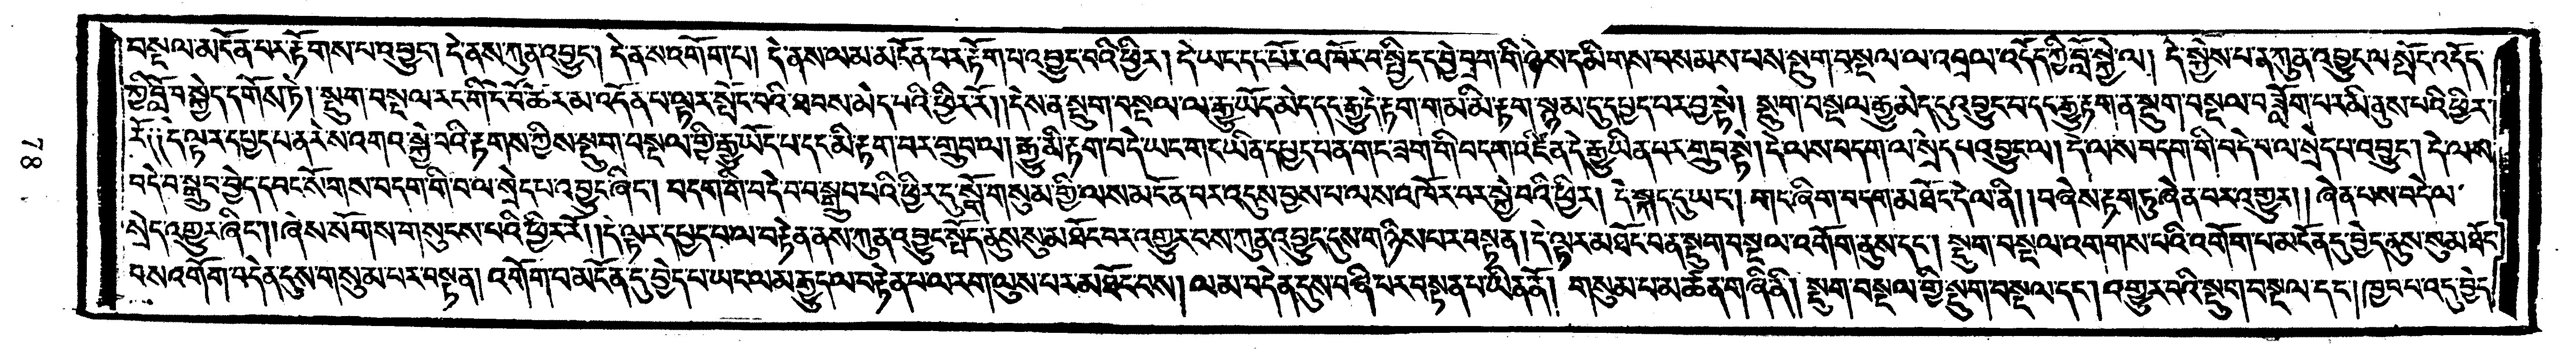བསྔལ་མངོན་པར་རྟོགས་པ་འབྱུང་། དེ་ནས་ཀུན་འབྱུང་། དེ་ནས་འགོག་པ། དེ་ནས་ལམ་མངོན་པར་རྟོག་པ་འབྱུང་བའི་ཕྱིར། དེ་ཡང་དང་པོར་འཁོར་བ་སྤྱི་དང་བྱེ་བྲག་གི་ཉེས་དམིགས་བསམས་པས་སྡུག་བསྔལ་ལ་འབྲལ་འདོད་ཀྱི་བློ་སྐྱེ་ལ། དེ་སྐྱེས་པ་ན་ཀུན་འབྱུང་ལ་སྤོང་འདོད་
ཀྱི་བློ་བསྐྱེད་དགོས་ཏེ། སྡུག་བསྔལ་རང་གི་ངོ་བོ་ཚེར་མ་འདོན་པ་ལྟར་སྤོང་བའི་ཐབས་མེད་པའི་ཕྱིར་རོ། །དེས་ན་སྡུག་བསྔལ་ལ་རྒྱུ་ཡོད་མེད་དང་རྒྱུ་དེ་རྟག་གམ་མི་རྟག་སྙམ་དུ་དཔྱད་པར་བྱ་སྟེ། སྡུག་བསྔལ་རྒྱུ་མེད་དུ་འབྱུང་བ་དང་རྒྱུ་རྟག་ན་སྡུག་བསྔལ་བཟློག་པར་མི་ནུས་པའི་ཕྱིར་
རོ༑ ༑དེ་ལྟར་དཔྱད་པ་ན་རེས་འགའ་སྐྱེ་བའི་རྟགས་ཀྱིས་སྡུག་བསྔལ་གྱི་རྒྱུ་ཡོད་པ་དང་མི་རྟག་པར་གྲུབ་ལ། རྒྱུ་མི་རྟག་པ་དེ་ཡང་གང་ཡིན་དཔྱད་པ་ན་གང་ཟག་གི་བདག་འཛིན་དེ་རྒྱུ་ཡིན་པར་གྲུབ་སྟེ། དེ་ལས་བདག་ལ་སྲེད་པ་འབྱུང་ལ། དེ་ལས་བདག་གི་བདེ་བ་ལ་སྲེད་པ་འབྱུང་། དེ་ལས་
བདེ་བ་སྒྲུབ་བྱེད་དབང་སོགས་བདག་གི་བ་ལ་སྲེད་པ་འབྱུང་ཞིང་། བདག་གི་བདེ་བ་བསྒྲུབ་པའི་ཕྱིར་དུ་སྒོ་གསུམ་གྱི་ལས་མངོན་པར་འདུས་བྱས་པ་ལས་འཁོར་བར་སྐྱེ་བའི་ཕྱིར། དེ་སྐད་དུ་ཡང་། གང་ཞིག་བདག་མཐོང་དེ་ལ་ནི། །ང་ཞེས་རྟག་ཏུ་ཞེན་པར་འགྱུར། །ཞེན་པས་བདེ་ལ་
སྲེད་འགྱུར་ཞིང་། །ཞེས་སོགས་གསུངས་པའི་ཕྱིར་རོ། །དེ་ལྟར་དཔྱད་པ་ལ་བརྟེན་ནས་ཀུན་འབྱུང་སྤོང་ནུས་སུ་མཐོང་བར་འགྱུར་བས་ཀུན་འབྱུང་དུས་གཉིས་པར་བསྟན། དེ་ལྟར་མཐོང་བ་ན་སྡུག་བསྔལ་འགོག་ནུས་དང་། སྡུག་བསྔལ་འགགས་པའི་འགོག་པ་མངོན་དུ་བྱེད་ནུས་སུ་མཐོང་
བས་འགོག་བདེན་དུས་གསུམ་པར་བསྟན། འགོག་པ་མངོན་དུ་བྱེད་པ་ཡང་ལམ་རྒྱུད་ལ་བརྟེན་པ་ལ་རག་ལུས་པར་མཐོང་བས། ལམ་བདེན་དུས་བཞི་པར་བསྟན་པ་ཡིན་ནོ། །གསུམ་པ་མཚན་གཞི་ནི། སྡུག་བསྔལ་གྱི་སྡུག་བསྔལ་དང་། འགྱུར་བའི་སྡུག་བསྔལ་དང་། ཁྱབ་པ་འདུ་བྱེད་